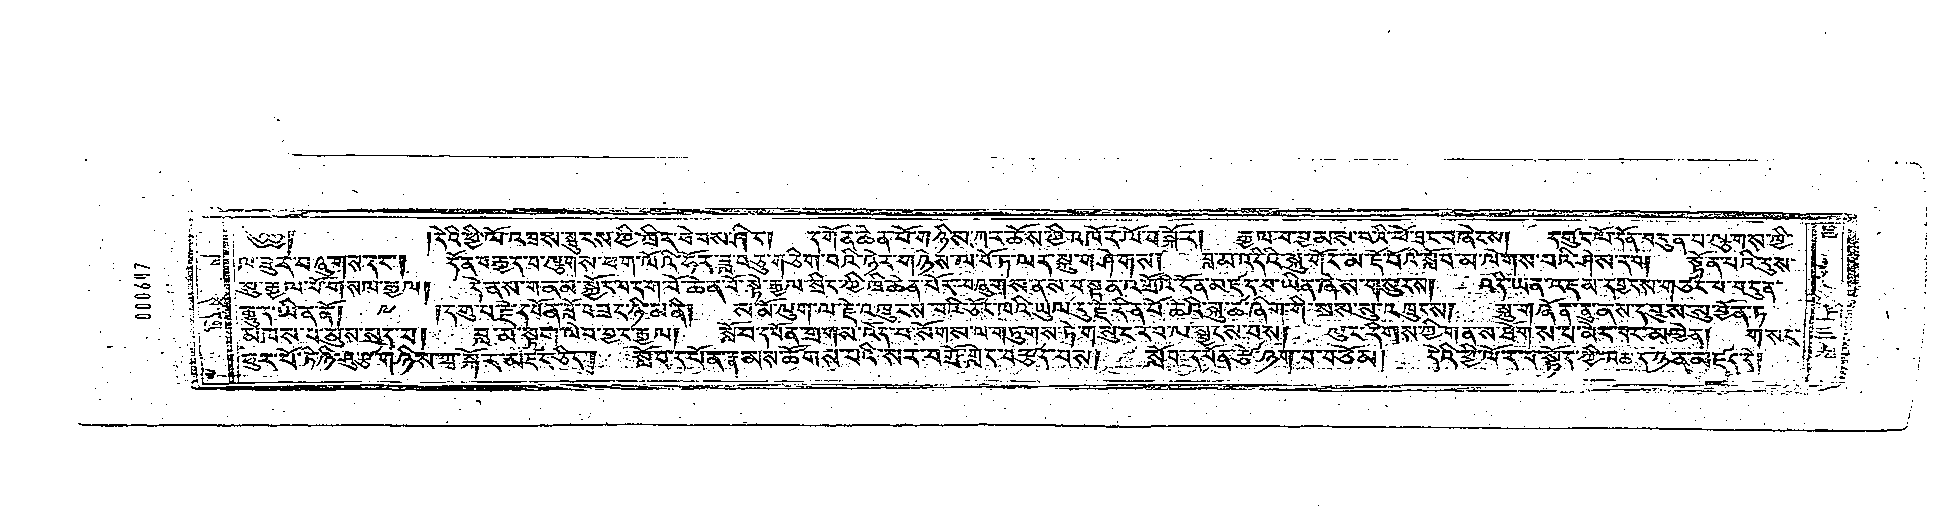༄༅། །དེའི་ཕྱི་ལོ་འབྲས་སྤུངས་ཀྱི་ཁྲིར་ཕེབས་ཤིང་། དགོན་ཆེན་པོ་གཉིས་ཀར་ཆོས་ཀྱི་འཁོར་ལོ་བསྐོར། རྒྱལ་བ་བྱམས་བའི་ཕོ་བྲང་བཞེངས། དགུང་ལོ་དོན་བདུན་པ་ལྕགས་ཁྱི་
ལ་ཟུར་བཞུགས་དང་། དོན་བརྒྱད་བ་ལྕགས་ཕག་ལོའི་ཧོར་ཟླ་བཅུ་གཅིག་བའི་ཉེར་གཉིས་ལ་པོ་ཏ་ལར་སྐུ་གཤེགས། བླ་མ་འདིའི་སྐུ་གོང་མ་ཇོ་བོའི་སློབ་མ་ལེགས་པའི་ཤེས་རབ། སྟོན་པའི་དུས་
སུ་རྒྱལ་པོ་གསལ་རྒྱལ། དེ་ནས་གནམ་སྐྱོང་བདག་པོ་ཆེན་པོ་སྟེ་རྒྱལ་སྲིད་ཀྱི་ཁྲི་ཆེན་པོར་བཞུགས་ནས་བསྟན་འགྲོའི་དོན་མཛད་བ་ཡིན་ཞེས་གསུངས། འདི་ཡན་འཇམ་དབྱངས་གཙང་པ་བདུན་
རྒྱུད་ཡིན་ནོ། ༧་།དགུ་པ་རྗེ་དཔོན་བློ་བཟང་ཉི་མ་ནི། ས་མོ་ལུག་ལ་རྗེ་འཁྲུངས་པའི་ཙོང་ཁའི་ཡུལ་དུ་རྗེ་རིན་པོ་ཆེའི་སྐུ་ཚ་ཞིག་གི་སྲས་སུ་འཁྲུངས། སྐུ་གཞོན་ནུ་ནས་དབུས་སུ་བྱོན་ཏེ་
མཁས་པ་མུས་སྲིད་པ། བླ་མ་སྟག་ལེབ་བྱང་རྒྱལ། སློབ་དཔོན་གྲགས་འོད་པ་སོགས་ལ་གཏུགས་ཏེ་གསུང་རབ་ལ་སྦྱངས་པས། ལུང་རིགས་ཀྱི་གནས་ཐོགས་པ་མེད་པར་མཁྱེན། གསང་
ཕུར་པོ་ཏི་ཉི་ཤུ་རྩ་གཉིས་གྲྭ་སྐོར་མཛད་ཅིང་། སློབ་དཔོན་རྣམས་ཚོགས་པའི་སར་བགྲོ་གླེང་བརྩད་པས། སློབ་དཔོན་རྩེ་ཉག་པ་བཅོམ། དེའི་ཕྱི་ལོ་ར་བ་སྟོད་ཀྱི་འཆར་ཉན་མཛད་དེ།